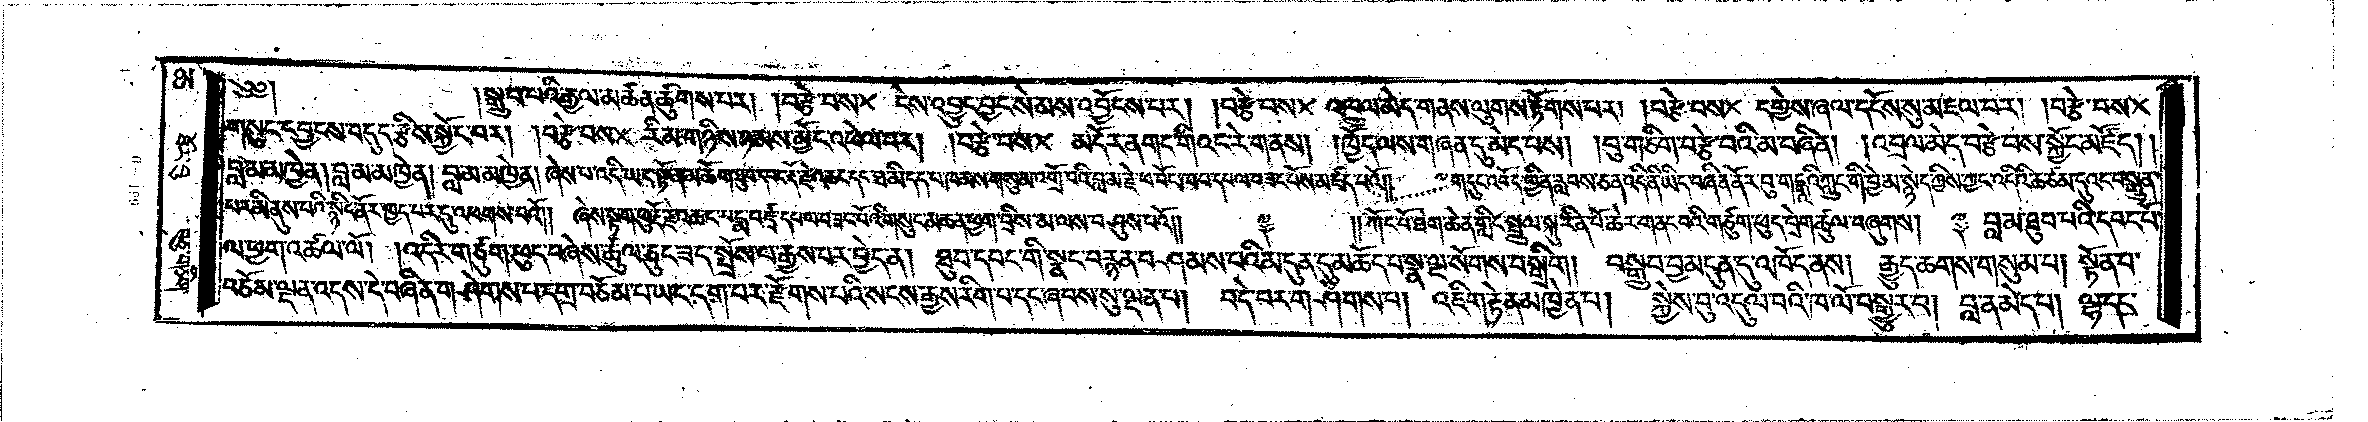༄༅། །སྒྲུབ་པའི་རྒྱལ་མཚན་ཚུགས་པར། །བརྩེ་བས་྾་ངེས་འབྱུང་བྱང་སེམས་འབྱོངས་པར། །བརྩེ་བས་྾་འཁྲུལ་མེད་གནས་ལུགས་རྟོགས་པར། །བརྩེ་བས་྾་དགྱེས་ཞལ་དངོས་སུ་མཇལ་བར། །བརྩེ་བས་྾་
གསུང་དབྱངས་བདུད་རྩིས་སྐྱོང་བར། །བརྩེ་བས་྾་རིམ་གཉིས་ཉམས་མྱོང་འཕེལ་བར། །བརྩེ་བས་྾་མདོར་ན་གང་གིའང་རེ་གནས། །ཁྱོད་ལས་གཞན་དུ་མེད་པས། །བུ་གཅིག་བརྩེ་བའི་མ་བཞིན། །འབྲལ་མེད་བརྩེ་བས་སྐྱོང་མཛོད། །
བླ་མ་མཁྱེན། བླ་མ་མཁྱེན། བླ་མ་མཁྱེན། ཞེས་པ་འདི་ཡང་སྟོན་མཆོག་ཐུབ་དབང་རྡོ་རྗེ་འཆང་དང་ཐ་མི་དད་པ་ཁམས་གསུམ་འགྲོ་བའི་བླ་མ་རྗེ་ཕ་བོང་ཁབ་དཔལ་བཟང་པོས་མཛད་པའོ་གདུང་འབོད་ཀྱི་ཕྱིན་རླབས་ཅན་འདི་ནི་ཡིད་བཞིན་ནོར་བུ་གངྒཱའི་གླུང་གི་བྱེ་མ་སྙེད་ཀྱིས་ཀྱང་འབིའི་ཆ་ཙམ་དུའང་བསྒྲུན་
ཕར་མི་ནུས་པའི་སྙིང་ནོར་ཁྱད་པར་དུ་འཕགས་བའོ། །ཞེས་སྟག་ཕུར་དོ་རྗེ་འཆང་པདམ་བཛྲ་དཔལ་བཟང་པོ་གསུང་མཆན་ཕྱག་བྲིས་མ་ལས་བཤུས་པའོ།། ༈ །།ཀོང་པོ་ཐེག་ཆེན་གླིང་སྤྲུལ་སྐུ་རིན་པོ་ཆེར་གནང་བའི་གཙུག་ཕུད་བྲེག་ཚུལ་བཞུགས། ༈ བླ་མ་ཐུབ་པའི་དབང་པོ་
ལ་ཕྱག་འཚལ་ལོ། །འདིར་གཙུག་ཕུད་བཞེས་ཚུལ་ཅུང་ཟད་སྤྲོས་པ་རྒྱས་པར་བྱེད་ན། ཐུབ་དབང་གི་སྣང་བརྙན་བཤམས་པའི་མདུན་དུ་མཆོད་པ་སྣ་ལྔ་སོགས་བསྒྲིག། བསྒྲུབ་བྱ་མདུན་དུ་འཁོད་ནས། རྒྱུད་ཆགས་གསུམ་པ། སྟོན་པ་
བཅོམ་ལྡན་འདས་དེ་བཞིན་གཤེགས་པ་དགྲ་བཅོམ་པ་ཡང་དག་པར་རྫོགས་པའི་སངས་རྒྱས་རིག་པ་དང་ཞབས་སུ་ལྡན་པ། བདེ་བར་གཤེགས་པ། འཇིག་རྟེན་མཁྱེན་པ། སྐྱེས་བུ་འདུལ་བའི་ཁ་ལོ་བསྒྱུར་བ། བླ་ན་མེད་པ། ལྷ་དང་